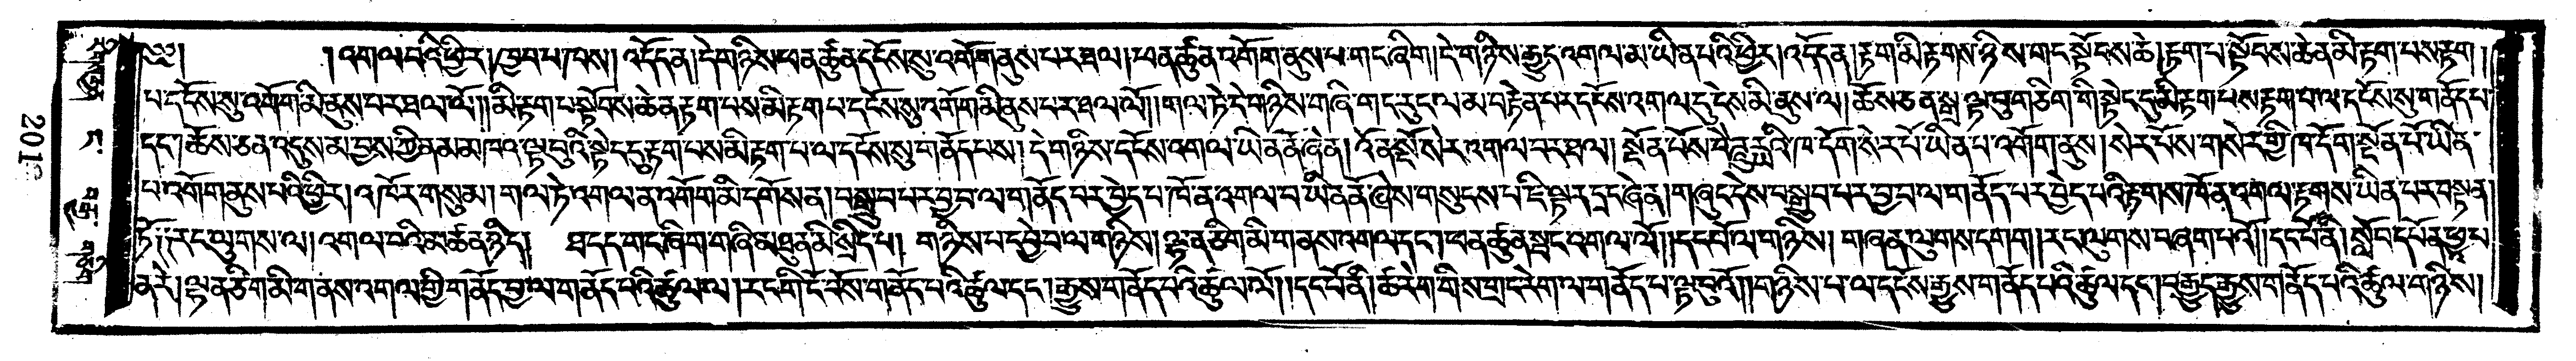༄༅། །འགལ་བའི་ཕྱིར། ཁྱབ་པ་ཁས། འདོད་ན། དེ་གཉིས་ཕན་ཚུན་དངོས་སུ་འགོག་ནུས་པར་ཐལ། ཕན་ཚུན་འགོག་ནུས་པ་གང་ཞིག །དེ་གཉིས་རྒྱུད་འགལ་མ་ཡིན་པའི་ཕྱིར། འདོད་ན། རྟག་མི་རྟག་གཉིས་གང་སྟོབས་ཆེ། རྟག་པ་སྟོབས་ཆེ་ན་མི་རྟག་པས་རྟག་
པ་དངོས་སུ་འགོག་མི་ནུས་པར་ཐལ་ལོ། །མི་རྟག་པ་སྟོབས་ཆེ་ན་རྟག་པས་མི་རྟག་པ་དངོས་སུ་འགོག་མི་ནུས་པར་ཐལ་ལོ། །གལ་ཏེ་དེ་གཉིས་གཞི་གང་རུང་ལ་མ་བརྟེན་པར་དངོས་འགལ་དུ་ངེས་མི་ནུས་ལ། ཆོས་ཅན་སྒྲ་ལྟ་བུ་གཅིག་གི་སྟེང་དུ་མི་རྟག་པས་རྟག་པ་ལ་དངོས་སུ་གནོད་པ་
དང་། ཆོས་ཅན་འདུས་མ་བྱས་ཀྱི་ནམ་མཁའ་ལྟ་བུའི་སྟེང་དུ་རྟག་པས་མི་རྟག་པ་ལ་དངོས་སུ་གནོད་པས། དེ་གཉིས་དངོས་འགལ་ཡིན་ནོ་ཞེ་ན། འོ་ན་སྔོ་སེར་འགལ་བར་ཐལ། སྔོན་པོས་བཻཌཱུར་ཡའི་?་ཁ་དོག་སེར་པོ་ཡིན་པ་འགོག་ནུས། སེར་པོས་གསེར་གྱི་ཁ་དོག་སྔོན་པོ་ཡིན་
པ་འགོག་ནུས་པའི་ཕྱིར། འཁོར་གསུམ། གལ་ཏེ་འགལ་ན་འགོག་མི་དགོས་ན། བསྒྲུབ་པར་བྱ་བ་ལ་གནོད་པར་བྱེད་པ་ཁོ་ན་འགལ་བ་ཡིན་ནོ་ཞེས་གསུངས་པ་ཇི་ལྟར་དྲང་ཞེ་ན། གཞུང་དེས་བསྒྲུབ་པར་བྱ་བ་ལ་གནོད་པར་བྱེད་པའི་རྟགས་ཁོ་ན་འགལ་རྟགས་ཡིན་པར་བསྟན་
ཏོ། ༑རང་ལུགས་ལ། འགལ་བའི་མཚན་ཉིད་།ཐ་དད་གང་ཞིག་གཞི་མཐུན་མི་སྲིད་པ། གཉིས་པ་དབྱེ་བ་ལ་གཉིས། ལྷན་ཅིག་མི་གནས་འགལ་དང་། ཕན་ཚུན་སྤང་འགལ་ལོ། །དང་པོ་ལ་གཉིས། གཞན་ལུགས་དགག །རང་ལུགས་བཞག་པའོ། །དང་པོ་ནི། སློབ་དཔོན་ཕྱྭ་པ་?
ན་རེ། ལྷན་ཅིག་མི་གནས་འགལ་གྱི་གནོད་བྱ་ལ་གནོད་པའི་ཚུལ་ལ། རང་གི་ངོ་བོས་གནོད་པའི་ཚུལ་དང་། རྒྱུས་གནོད་པའི་ཚུལ་ལོ། །དང་པོ་ནི། ཚ་རེག་གིས་གྲང་རེག་ལ་གནོད་པ་ལྟ་བུའོ། །གཉིས་པ་ལ་དངོས་རྒྱུས་གནོད་པའི་ཚུལ་དང་། བརྒྱུད་རྒྱུས་གནོད་པའི་ཚུལ་གཉིས།